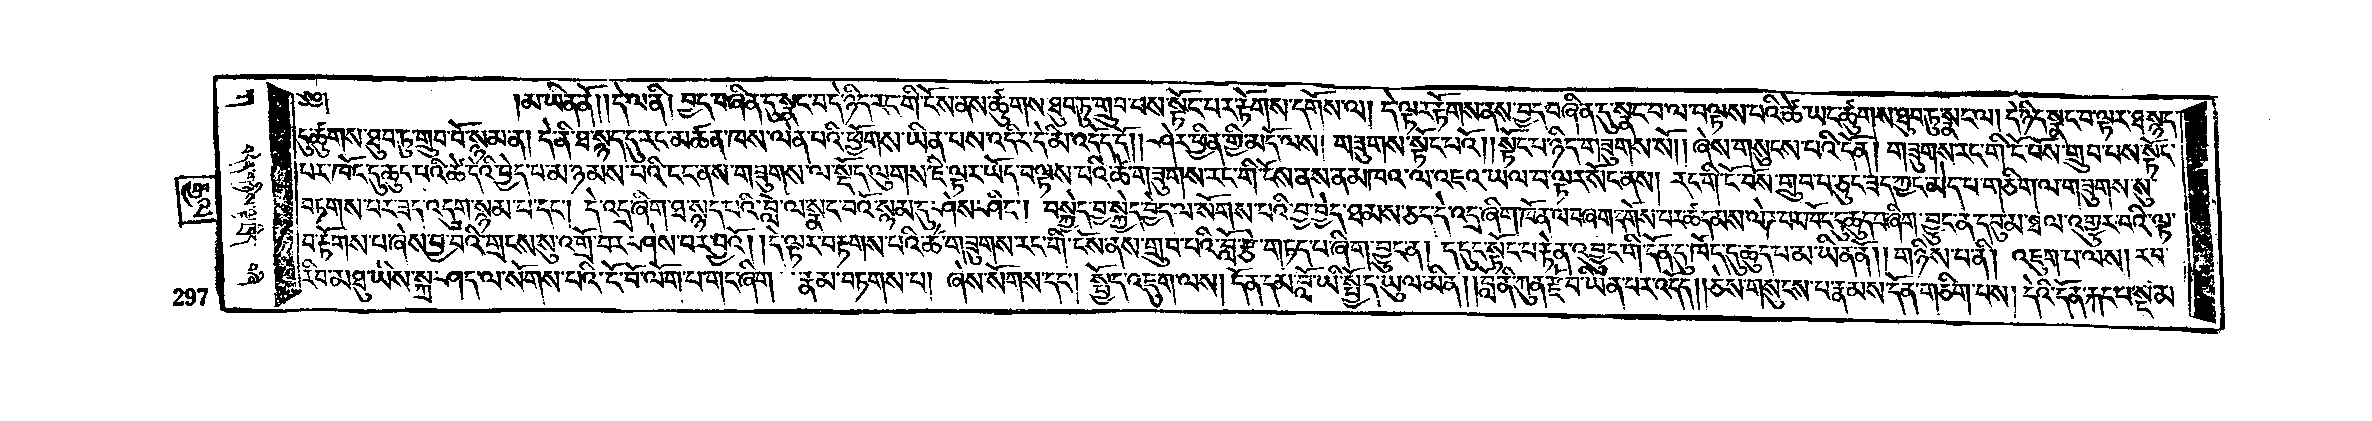༄༅། །མ་ཡིན་ནོ། །དེ་ལ་ནི། བྱད་བཞིན་དུ་སྣང་བ་དེ་ཉིད་རང་གི་ངོས་ནས་ཚུགས་ཐུབ་ཏུ་གྲུབ་པས་སྟོང་པར་རྟོགས་དགོས་ལ། དེ་ལྟར་རྟོགས་ནས་བྱད་བཞིན་དུ་སྣང་བ་ལ་བལྟས་པའི་ཚེ་ཡང་ཚུགས་ཐུབ་ཏུ་སྣང་ལ། དེ་ཉིད་སྣང་བ་ལྟར་ཐ་སྙད་
དུ་ཚུགས་ཐུབ་ཏུ་གྲུབ་བོ་སྙམ་ན། དེ་ནི་ཐ་སྙད་དུ་རང་མཚན་ཁས་ལེན་པའི་ཕྱོགས་ཡིན་པས་འདིར་དེ་མི་འདོད་དོ། །ཤེར་ཕྱིན་གྱི་མདོ་ལས། གཟུགས་སྟོང་པའོ། །སྟོང་པ་ཉིད་གཟུགས་སོ། །ཞེས་གསུངས་པའི་དོན། གཟུགས་རང་གི་ངོ་བོས་གྲུབ་པས་སྟོང་
པར་ཁོང་དུ་ཆུད་པའི་ཚེ་དེའི་བྱེད་པ་མ་ཉམས་པའི་ངང་ནས་གཟུགས་ལ་སྡོད་ལུགས་ཇི་ལྟར་ཡོད་བལྟས་པའི་ཚེ་གཟུགས་རང་གི་ངོས་ནས་ནམ་མཁའ་ལ་འཇའ་ཡལ་བ་ལྟར་སོང་ནས། རང་གི་ངོ་བོས་གྲུབ་པ་ཅུང་ཟད་ཀྱང་མེད་པ་གཅིག་ལ་གཟུགས་སུ་
བཏགས་པར་ཟད་འདུག་སྙམ་པ་དང་། དེ་འདྲ་ཞིག་ཐ་སྙད་པའི་བློ་ལ་སྣང་བའོ་སྙམ་དུ་ཤེས་ཤིང་། བསྐྱེད་བྱ་སྐྱེད་བྱེད་ལ་སོགས་པའི་བྱ་བྱེད་ཐམས་ཅད་དེ་འདྲ་ཞིག་ཁོ་ན་ལ་བཞག་དགོས་པར་ཚད་མས་ལེགས་པར་ཁོང་དུ་ཆུད་པ་ཞིག་བྱུང་ན་དབུ་མ་ཐལ་འགྱུར་བའི་ལྟ་
བ་རྟོགས་པ་ཞེས་བྱ་བའི་གྲངས་སུ་འགྲོ་བར་ཤེས་པར་བྱའོ། །དེ་ལྟར་བརྟགས་པའི་ཚེ་གཟུགས་རང་གི་ངོས་ནས་གྲུབ་པའི་བློ་རྩེ་གཏད་པ་ཞིག་བྱུང་ན། ད་དུང་སྟོང་པ་རྟེན་འབྱུང་གི་དོན་དུ་ཁོང་དུ་ཆུད་པ་མ་ཡིན་ནོ། །གཉིས་པ་ནི། འཇུག་པ་ལས། རབ་
རིབ་མཐུ་ཡིས་སྐྲ་ཤད་ལ་སོགས་པའི་ངོ་བོ་ལོག་པ་གང་ཞིག་རྣམ་བཏགས་པ། ཞེས་སོགས་དང་། སྤྱོད་འཇུག་ལས། དོན་དམ་བློ་ཡི་སྤྱོད་ཡུལ་ཡིན། །བློ་ནི་ཀུན་རྫོབ་ཡིན་པར་འདོད། །ཅེས་གསུངས་པ་རྣམས་དོན་གཅིག་པས། དེའི་དོན་རྐང་པ་སྔ་མ་